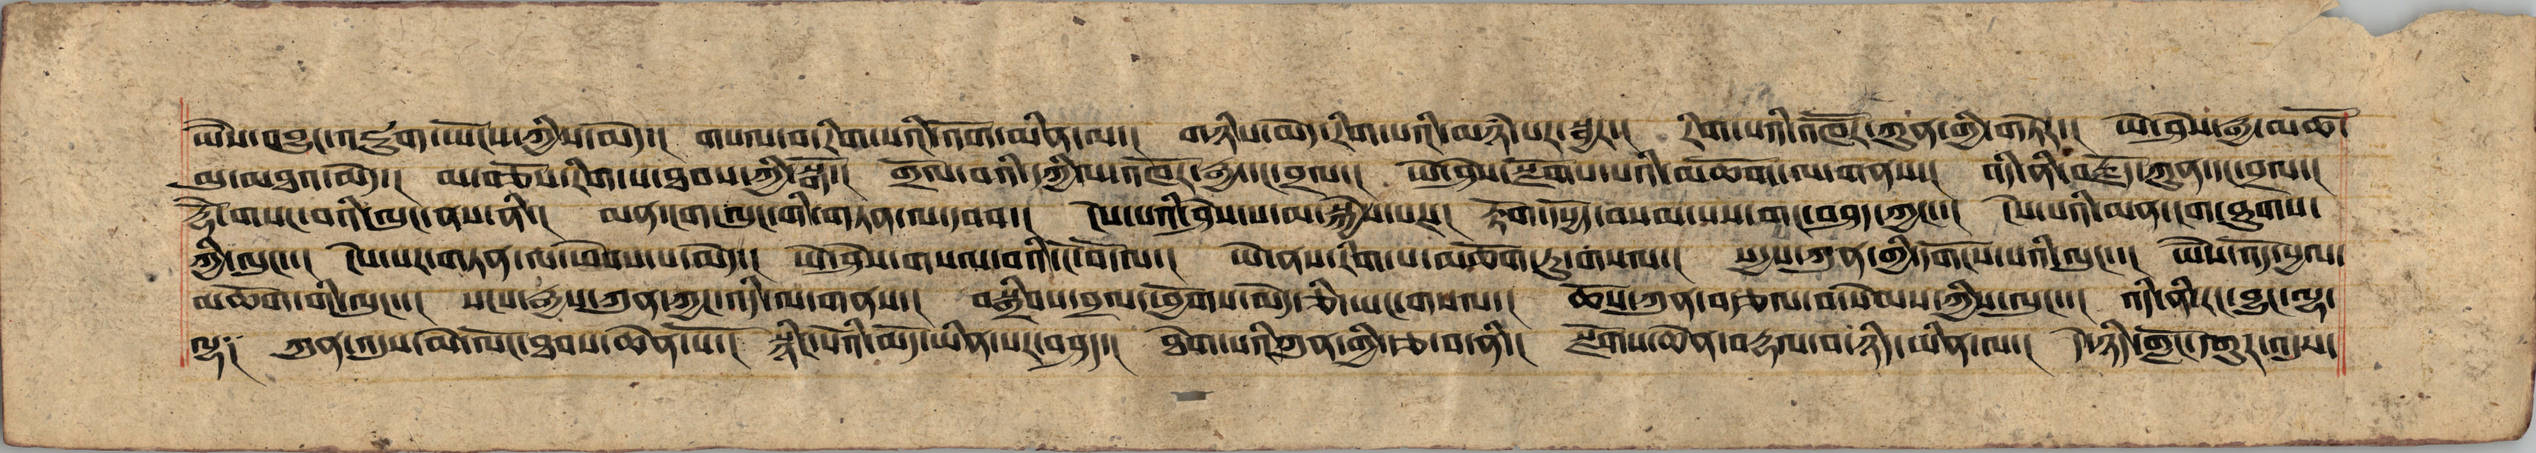ཡཻས་འབྱུང་འཇུག་ཡོངས་ཀྱིས་མེད་། གསལ་བ་རིག་པའི་འོག་མིན་ལ་། གཉིས་མེད་རིག་པའི་མཉཾ་པར་སྦྱར་། རིག་པའི་འཁཽོར་ཀུན་གྱི་གཏེར་། ཡེ་ཤེས་རྒྱ་མཚོ་
མུ་མཐའ་མེད་། མ་བཅོས་རིག་པ་ཐབས་ཀྱི་སྒོ་། གྲོལ་བའི་དཀྱིལ་འཁོར་རྒྱ་དང་བྲལ་། ཡེ་ཤེས་སྫོགས་པའི་མཆོག་ལ་གནས་། འདི་ནི་བརྫོད་ཀུན་དང་བྲལ་།
རྡོེ་གསང་བའི་ལུང་ནས་ནི་། མན་ངག་ལུང་གི་གཏན་ལ་དབབ་། ངེས་པའི་ཤེས་པ་མ་སྐྱེས་པར་། རྟོག་དཔྱོད་བསམ་པས་གང་བཤད་ཀྱང་་། ངེས་པའི་མན་ངག་ཐུགས་
ཀྱི་ལུང་། ངེས་པར་གཏན་ལ་ཕེབས་པ་མེད་། ཡེ་ཤེས་གསལ་བའི་ངོ་བོ་ལ་། ཡེ་ནས་རིག་པ་མཆོག་ཏུ་གསལ་། སདྱས་ཀུན་གྱི་དགོངས་པའི་ལུང་་། ཡཻས་འོད་སྱལ་
མཆོག་གི་ལུང་་། སངས་རྒྱས་ཀུན་ཀྱང་འདི་ལ་གནས་། བསྒྲིབས་བྲལ་ཕྱོགས་མེད་ཅི་ཡང་གསལ་། ཆོས་ཀུན་རྩལ་བ་སེམས་ཀྱིས་ལུང་་། འདི་ནི་རང་བྱུང་ལྷ་
ལྷ༑ ཀུན་འདུས་མེ་ལོང་ཐབས་ཆེན་པོ་། སྙིང་པོའི་མདོ་ཡིན་པར་བཤད་། ཐེག་པའི་ཀུན་གྱི་རྩ་བ་ནི་། སྫོགས་ཆེན་བརྡལ་བ་ཉིད་ཡིན་ལ་། དེ་ཉིད་གློང་དགུར་འདུས་